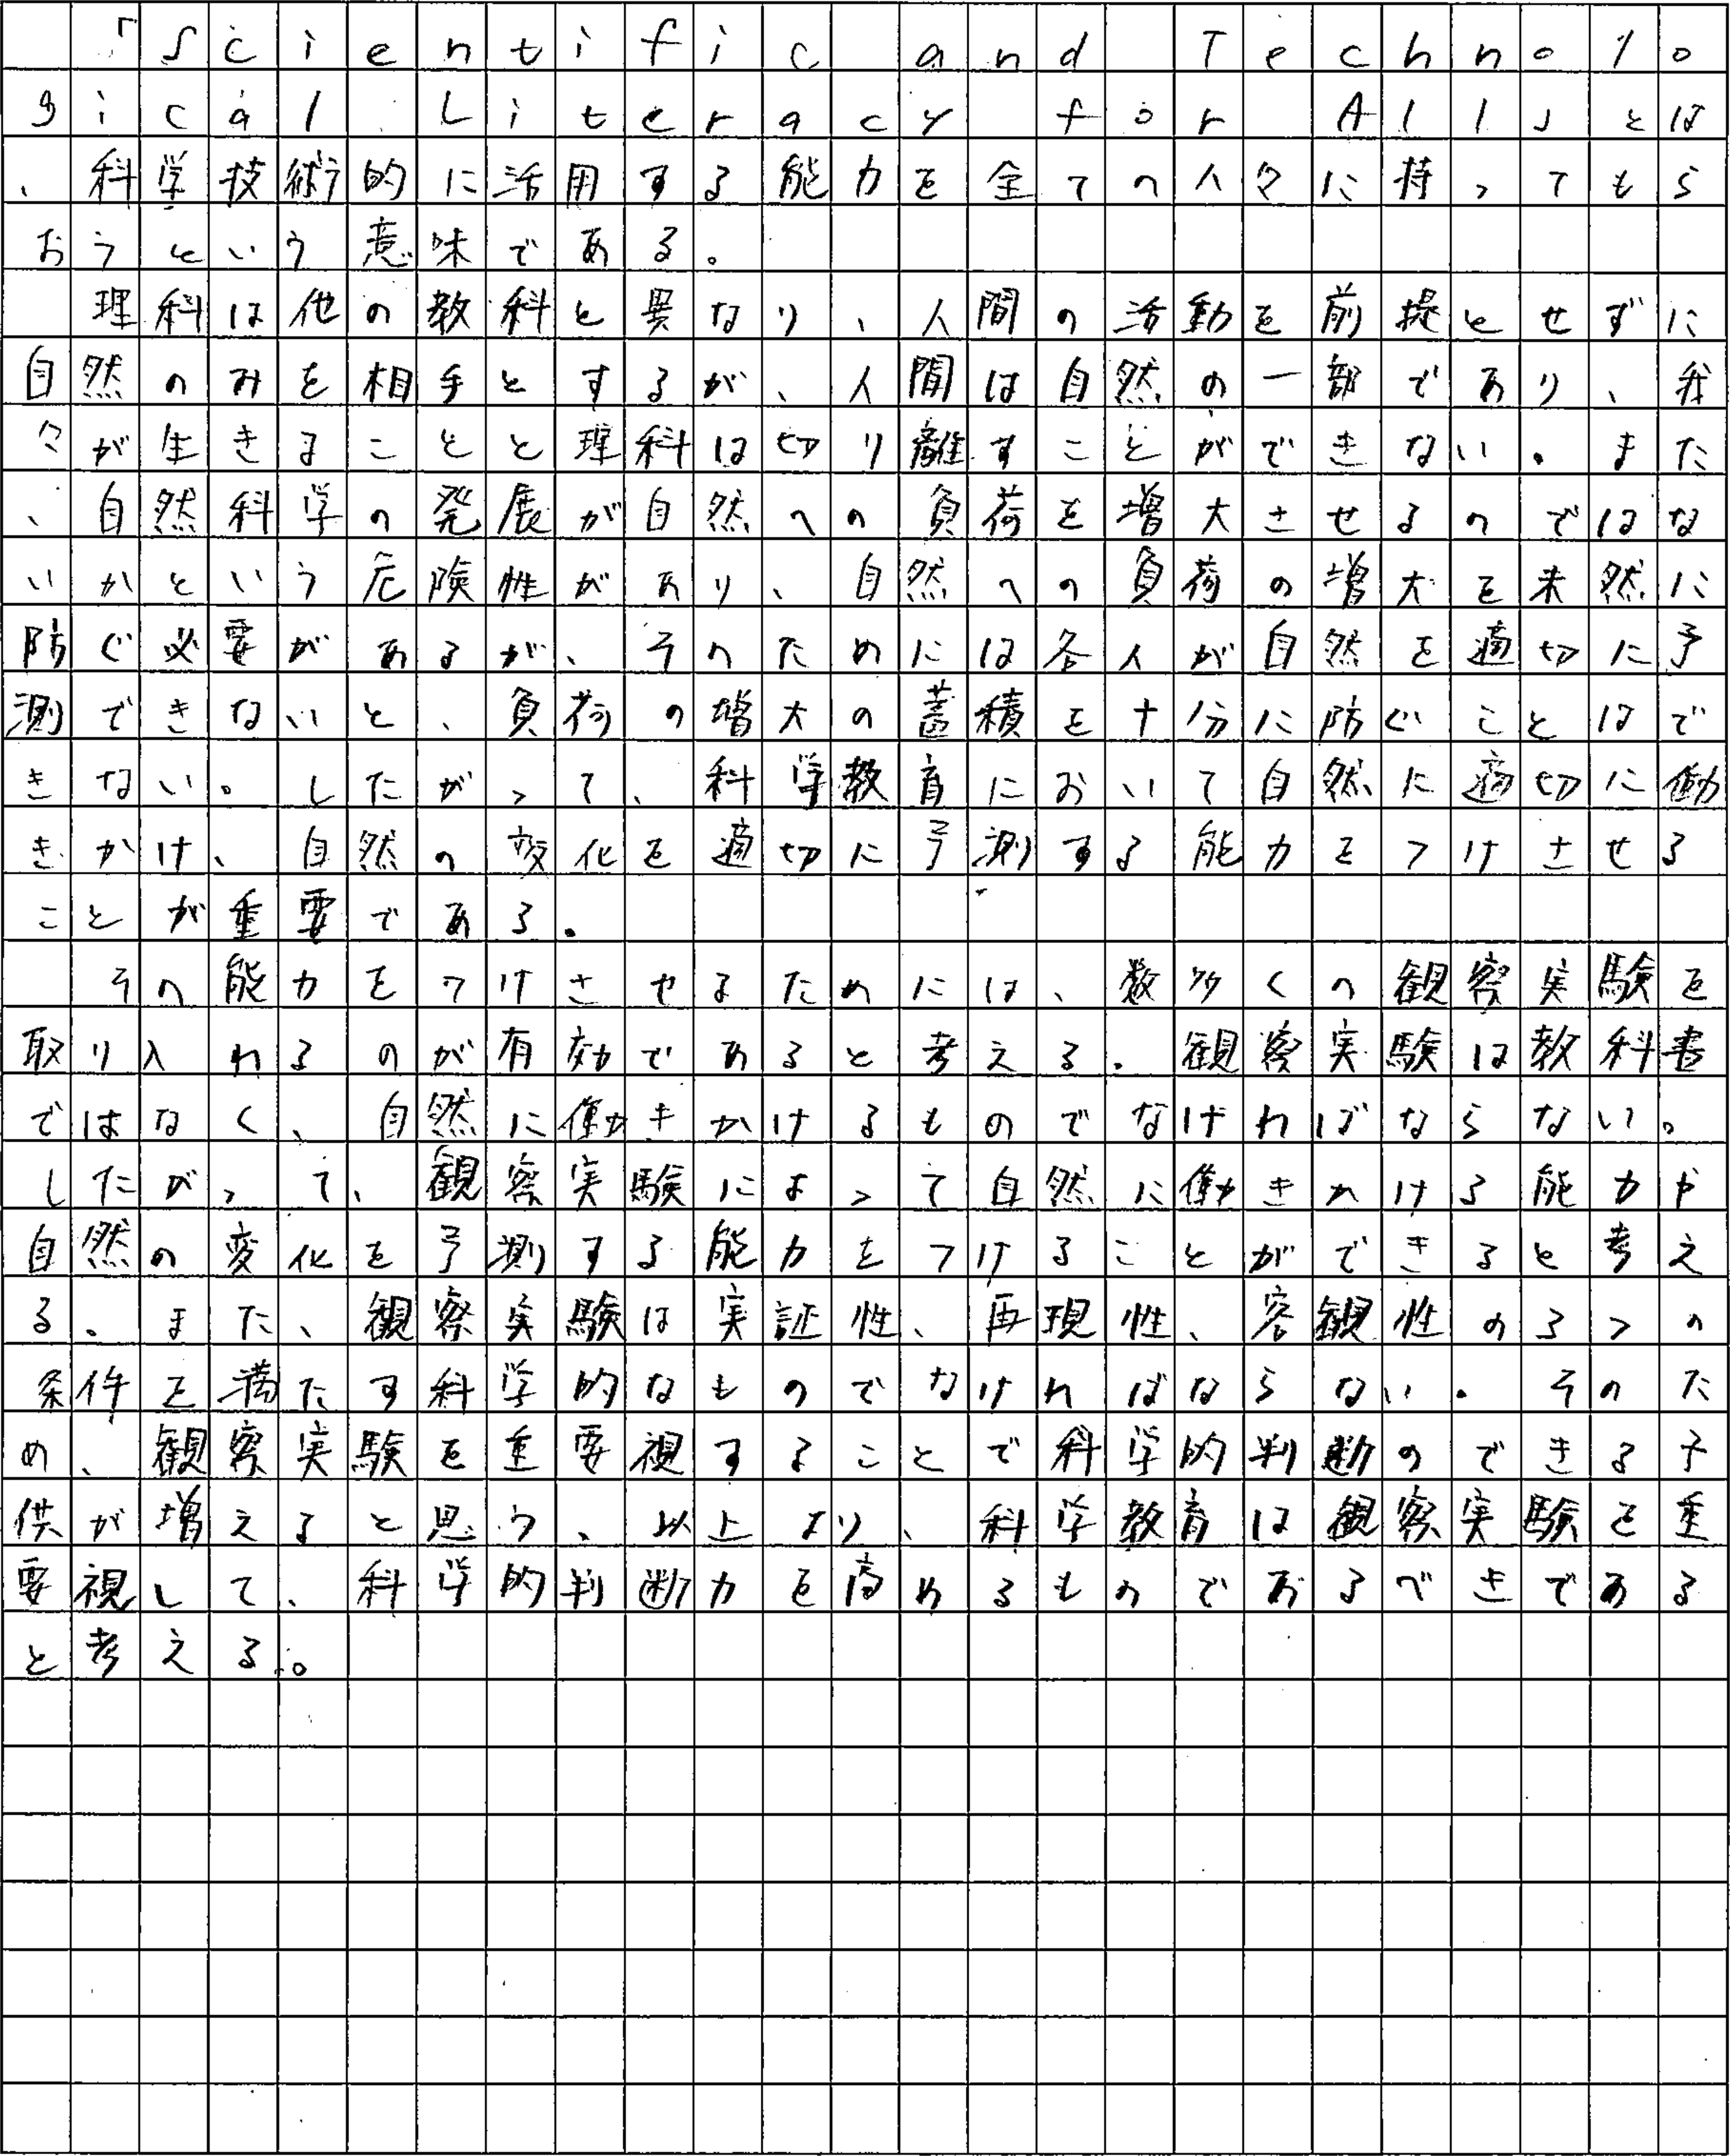　「Ｓｃｉｅｎｔｉｆｉｃ　ａｎｄ　Ｔｅｃｈｎｏｌｏｇｉｃａｌ　Ｌｉｔｅｒａｃｙ　ｆｏｒ　Ａｌｌ」とは、科学技術的に活用する能力を全ての人々に持ってもらおうという意味である。
　理科は他の教科と異なり、人間の活動を前提とせずに自然のみを相手とするが、人間は自然の一部であり、我々が生きることと理科は切り離すことができない。また、自然科学の発展が自然への負荷を増大させるのではないかという危険性があり、自然への負荷の増大を未然に防ぐ必要があるが、そのためには各人が自然を適切に予測できないと、負荷の増大の蓄積を十分に防ぐことはできない。したがって、科学教育において自然に適切に働きかけ、自然の変化を適切に予測する能力をつけさせることが重要である。
　その能力をつけさせるためには、数多くの観察実験を取り入れるのが有効であると考える。観察実験は教科書ではなく、自然に働きかけるものでなければならない。したがって、観察実験によって自然に働きかける能力や自然の変化を予測する能力をつけることができると考える。また、観察実験は実証性、再現性、客観性の３つの条件を満たす科学的なものでなければならない。そのため、観察実験を重要視することで科学的判断のできる子供が増えると思う。以上より、科学教育は観察実験を重要視して、科学的判断力を高めるものであるべきであると考える。
